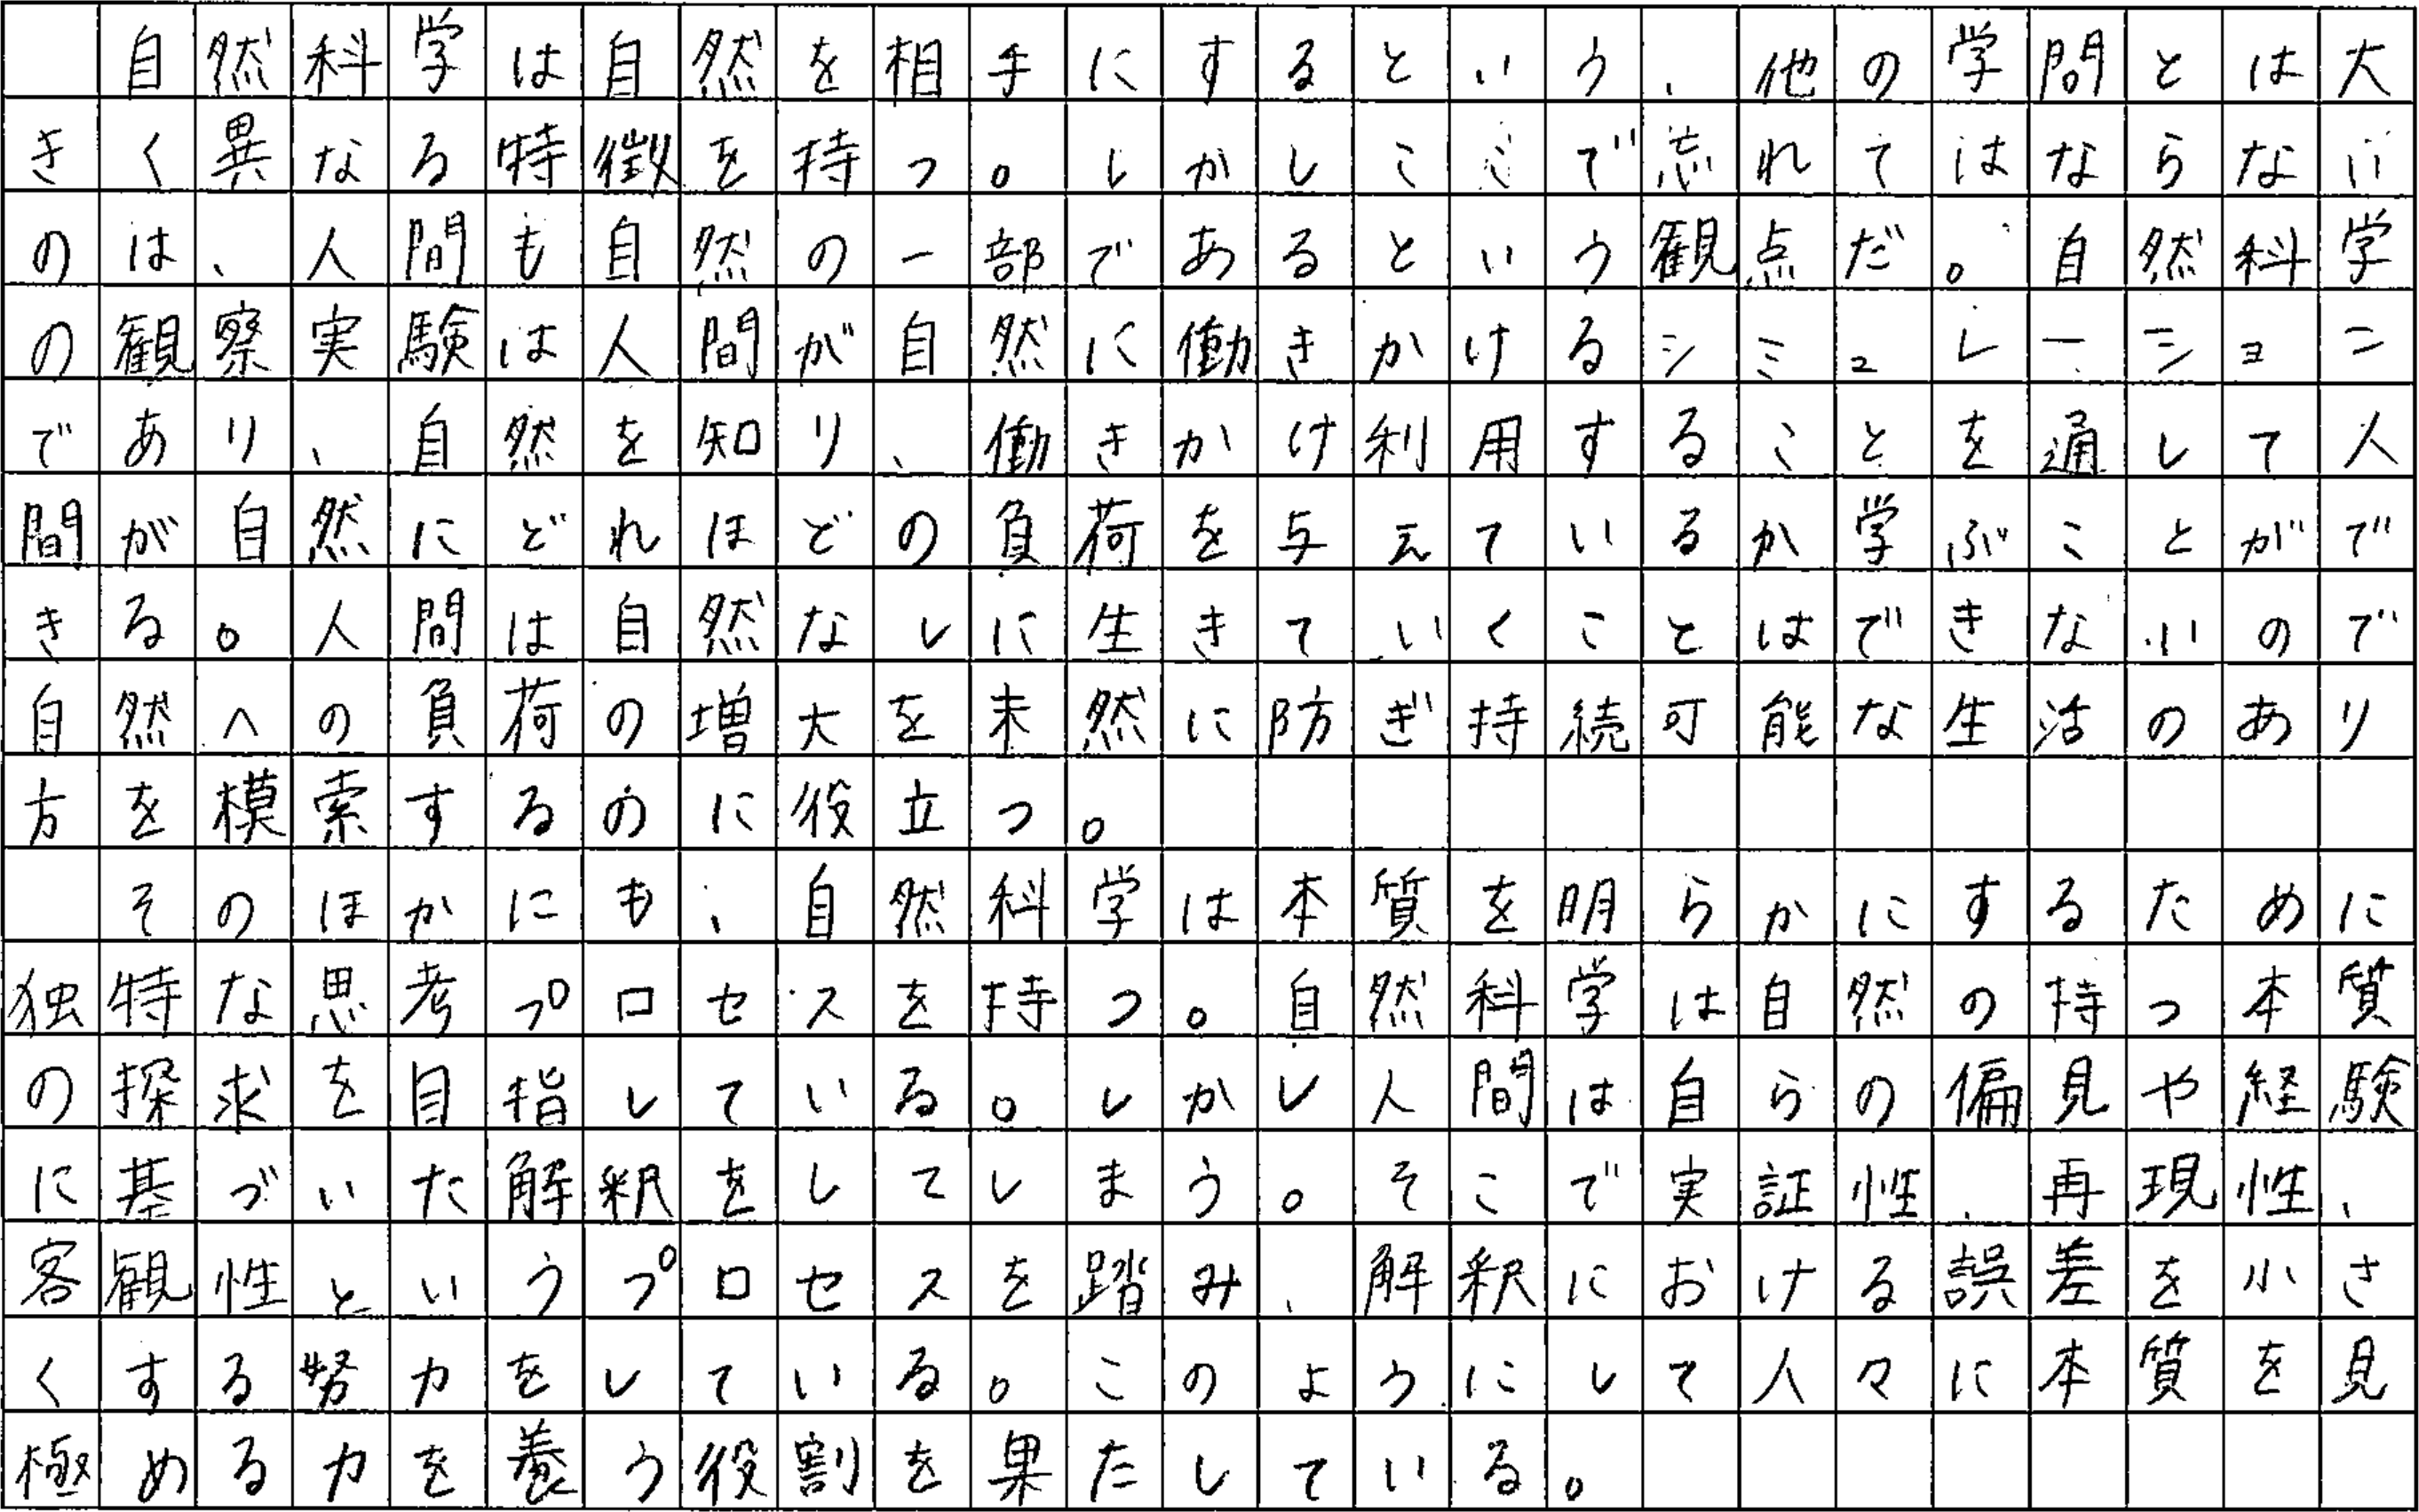　自然科学は自然を相手にするという、他の学問とは大きく異なる特徴を持つ。しかしここで忘れてはならないのは、人間も自然の一部であるという観点だ。自然科学の観察実験は人間が自然に働きかけるシミュレーションであり、自然を知り、働きかけ利用することを通して人間が自然にどれほどの負荷を与えているかを学ぶことができる。人間は自然なしに生きていくことはできないので自然への負荷の増大を未然に防ぎ持続可能な生活のあり方を模索するのに役立つ。
　そのほかにも、自然科学は本質を明らかにするために独特な思考プロセスを持つ。自然科学は自然の持つ本質の探究を目指している。しかし人間は自らの偏見や経験に基づいた解釈をしてしまう。そこで実証性、再現性、客観性というプロセスを踏み、解釈における誤差を小さくする努力をしている。このようにして人々に本質を見極める力を養う役割を果たしている。
